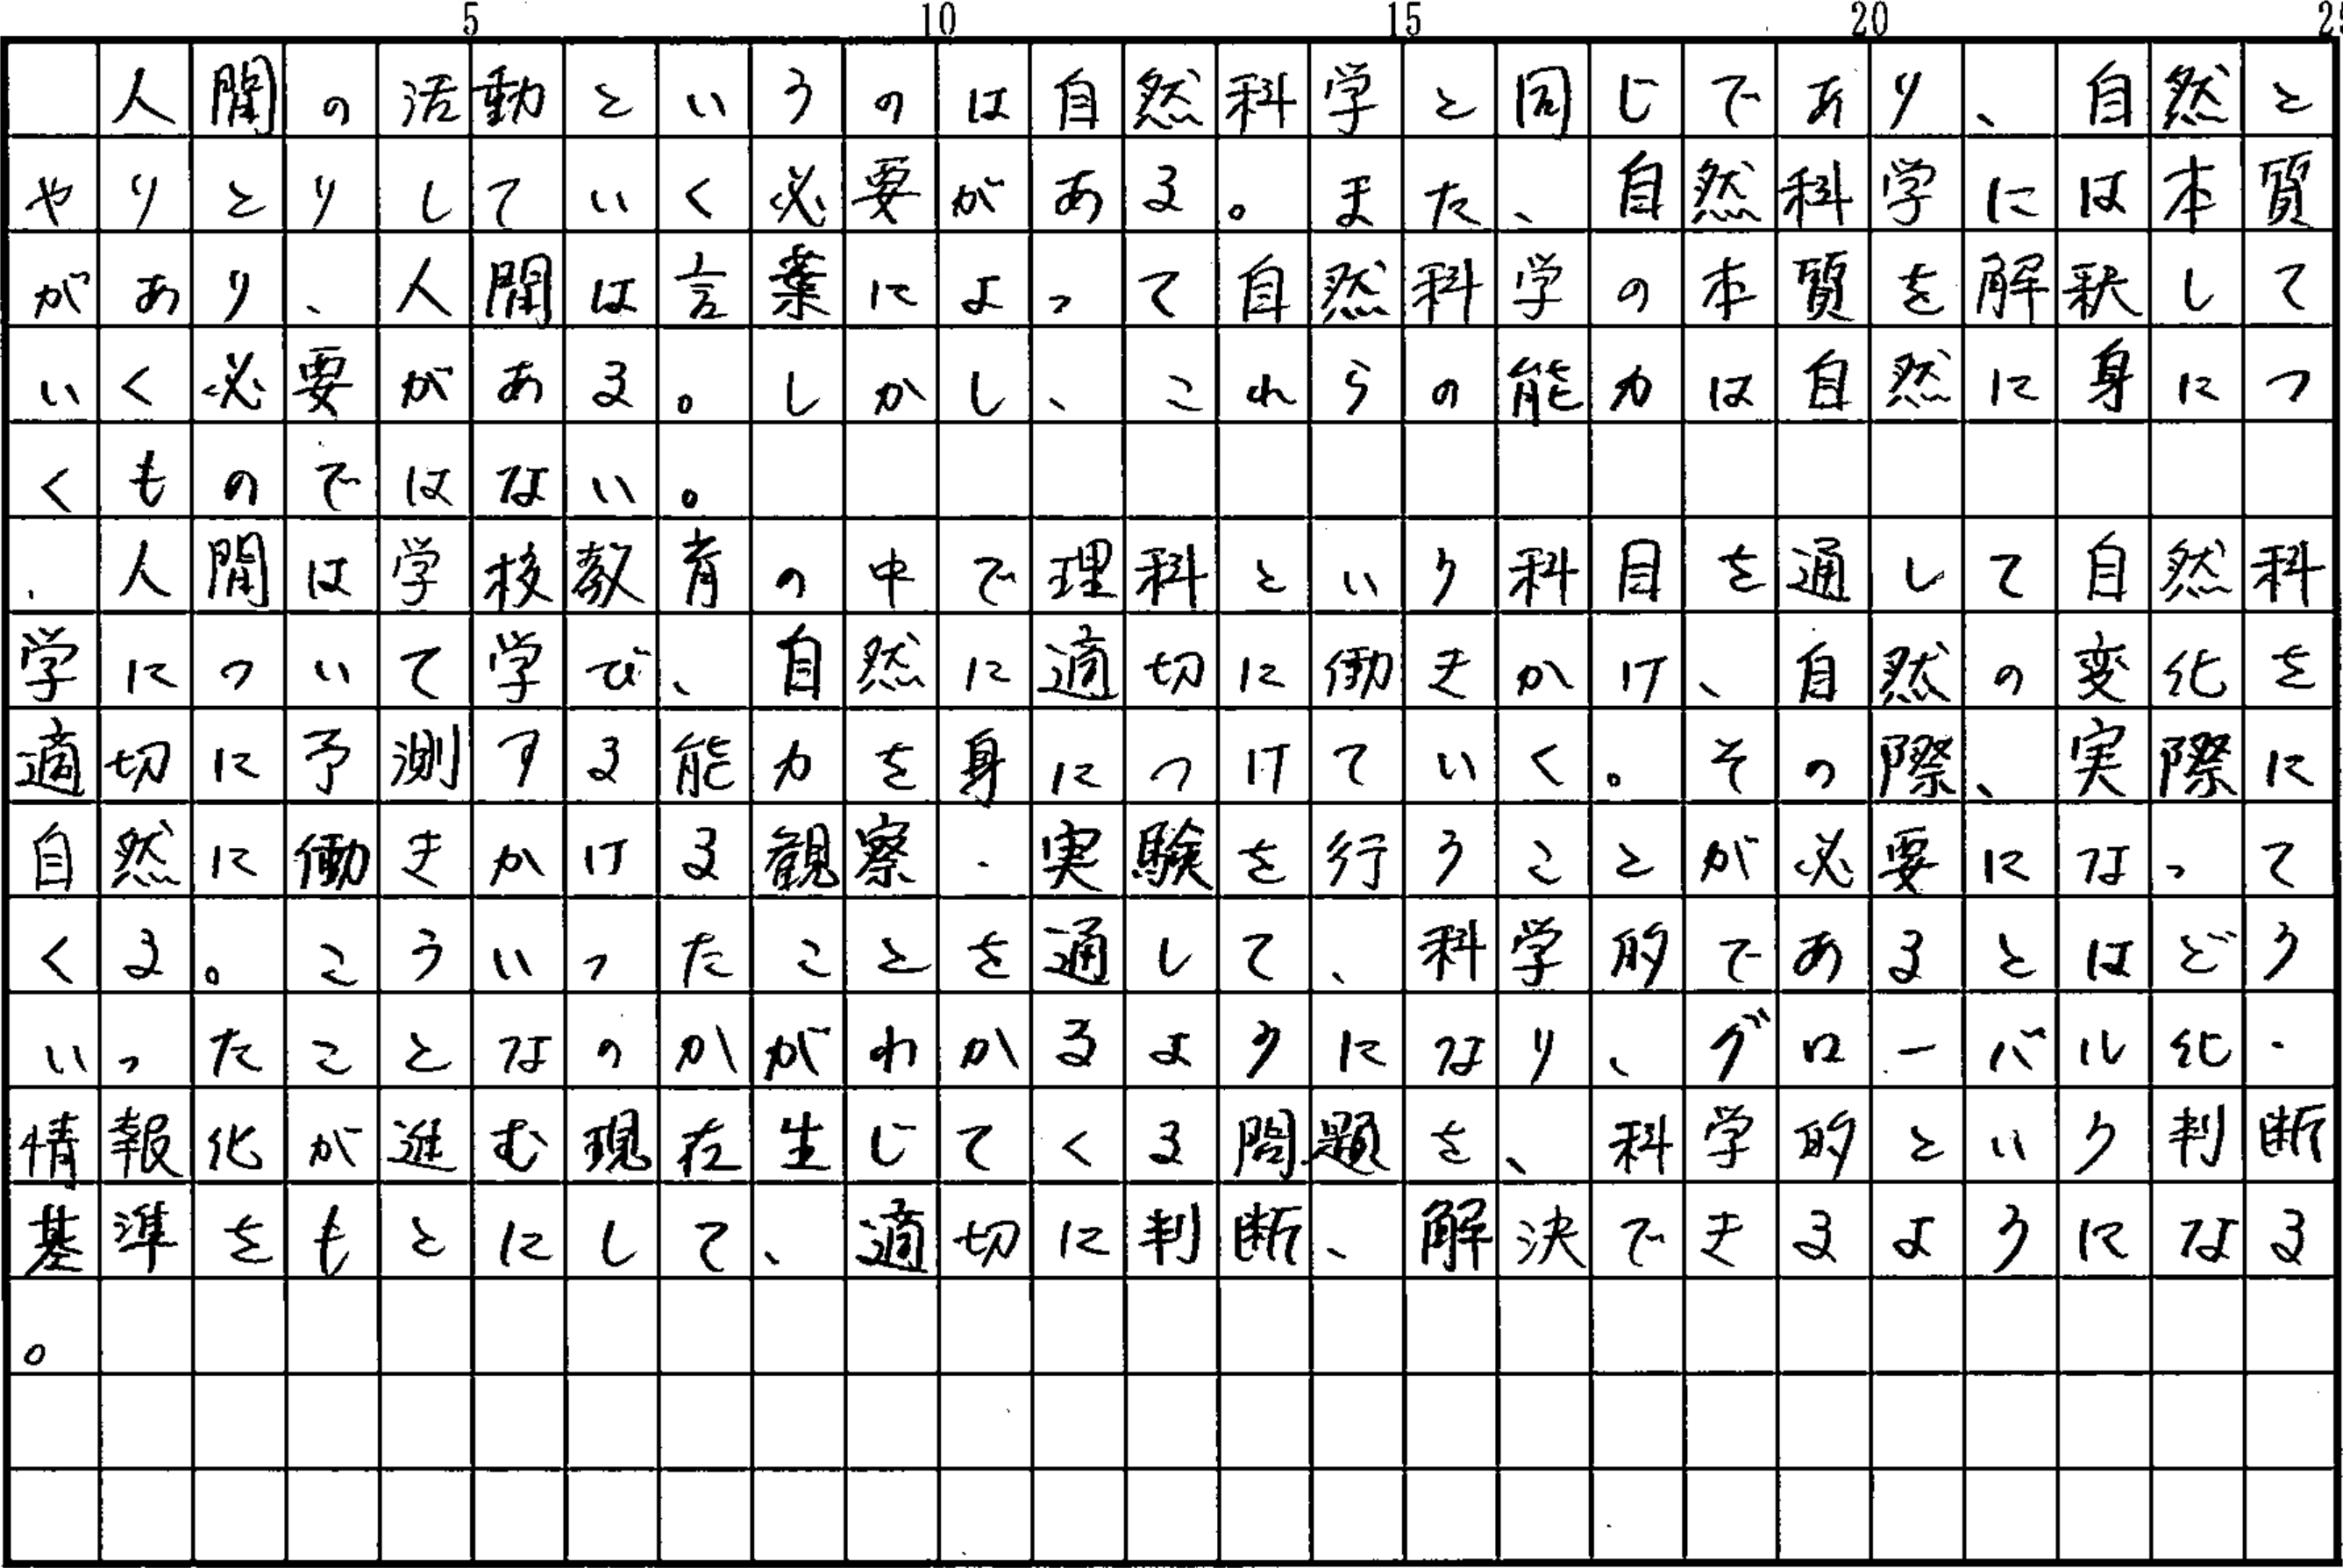　人間の活動というのは自然科学と同じであり、自然とやりとりしていく必要がある。また、自然科学には本質があり、人間は言葉によって自然科学の本質を解釈していく必要がある。しかし、これらの能力は自然に身につくものではない。
　人間は学校教育の中で理科という科目を通して自然科学について学び、自然に適切に働きかけ、自然の変化を適切に予測する能力を身につけていく。その際、実際に自然に働きかける観察・実験を行うことが必要になってくる。こういったことを通して、科学的であるとはどういったことなのかがわかるようになり、グローバル化・情報化が進む現在生じてくる問題を、科学的という判断基準をもとにして、適切に判断、解決できるようになる。
